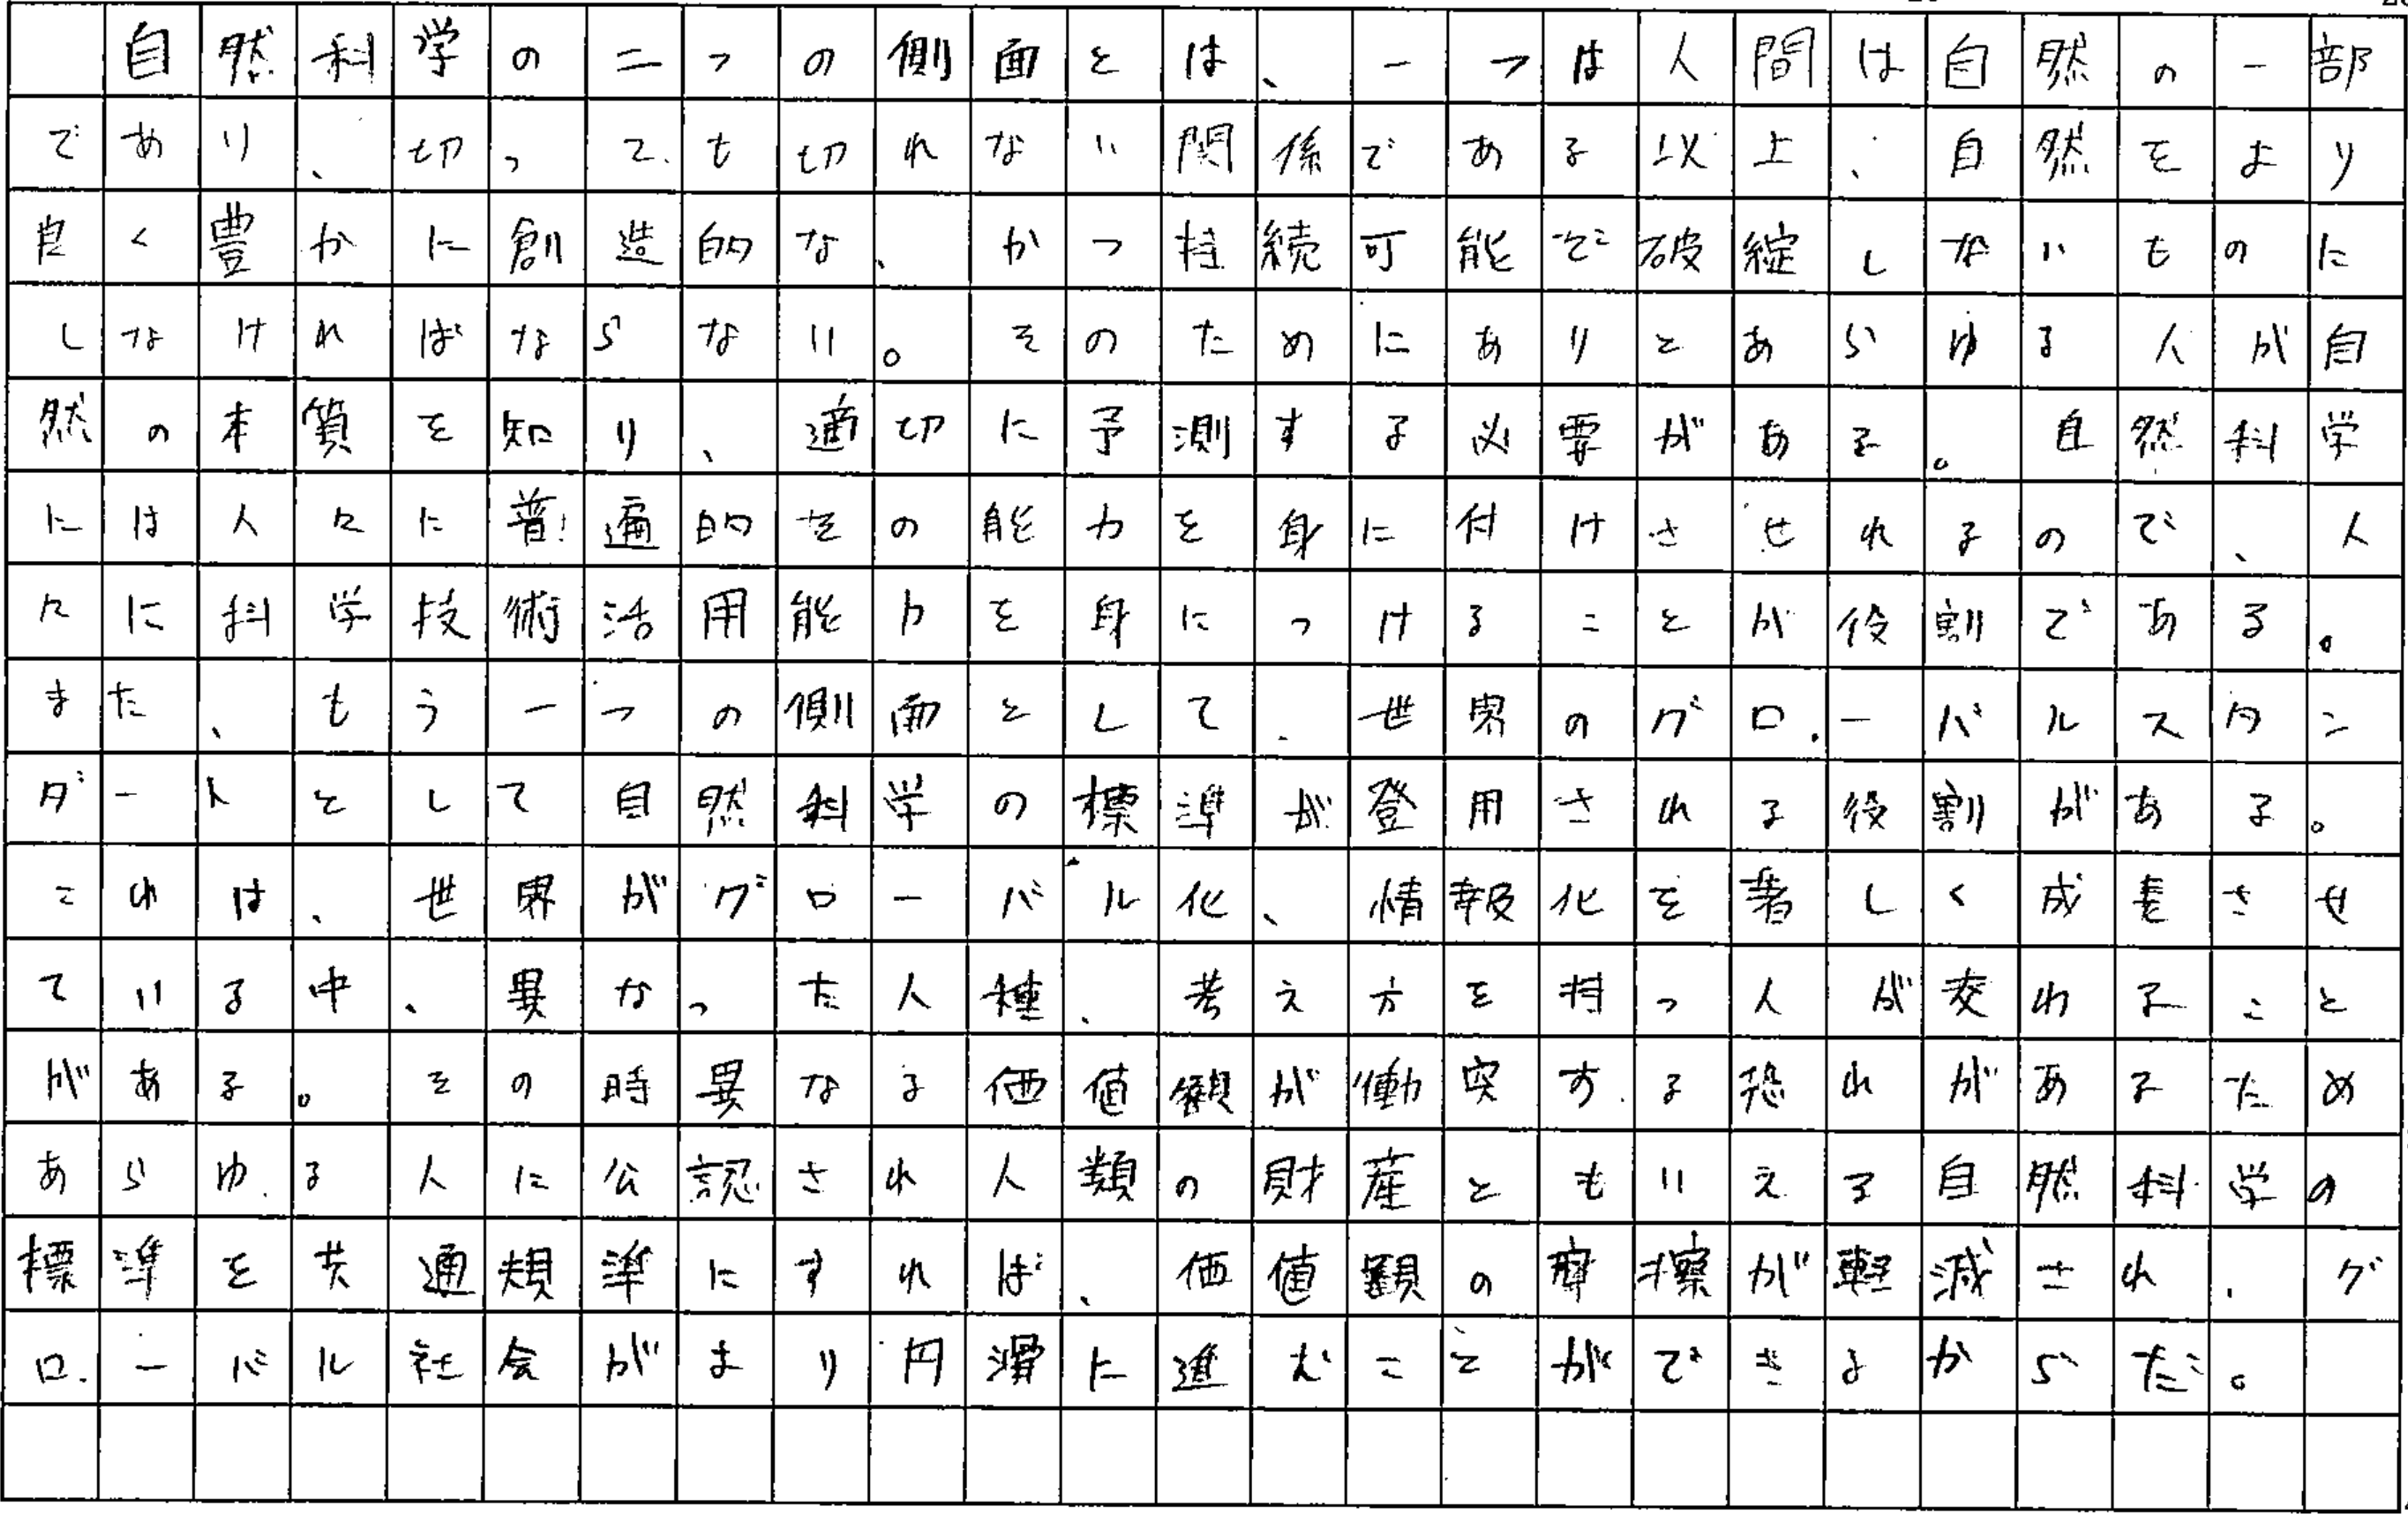　自然科学の二つの側面とは、一つは人間は自然の一部であり、切っても切れない関係である以上、自然をより良く豊かに創造的な、かつ持続可能で破綻しないものにしなければならない。そのためにありとあらゆる人が自然の本質を知り、適切に予測する必要がある。自然科学には人々に普遍的その能力を身に付けさせれるので、人々に科学技術活用能力を身につけることが役割である。また、もう一つの側面として、世界のグローバルスタンダートとして自然科学の標準が登用される役割がある。これは、世界がグローバル化、情報化を著しく成長させている中、異なった人種、考え方を持つ人が交わることがある。その時異なる価値観が▁突する恐れがあるためあらゆる人に公認され人類の財産ともいえる自然科学の標準を共通規準にすれば、価値観の摩擦が軽減され、グローバル社会がより円滑に進むことができるからだ。
